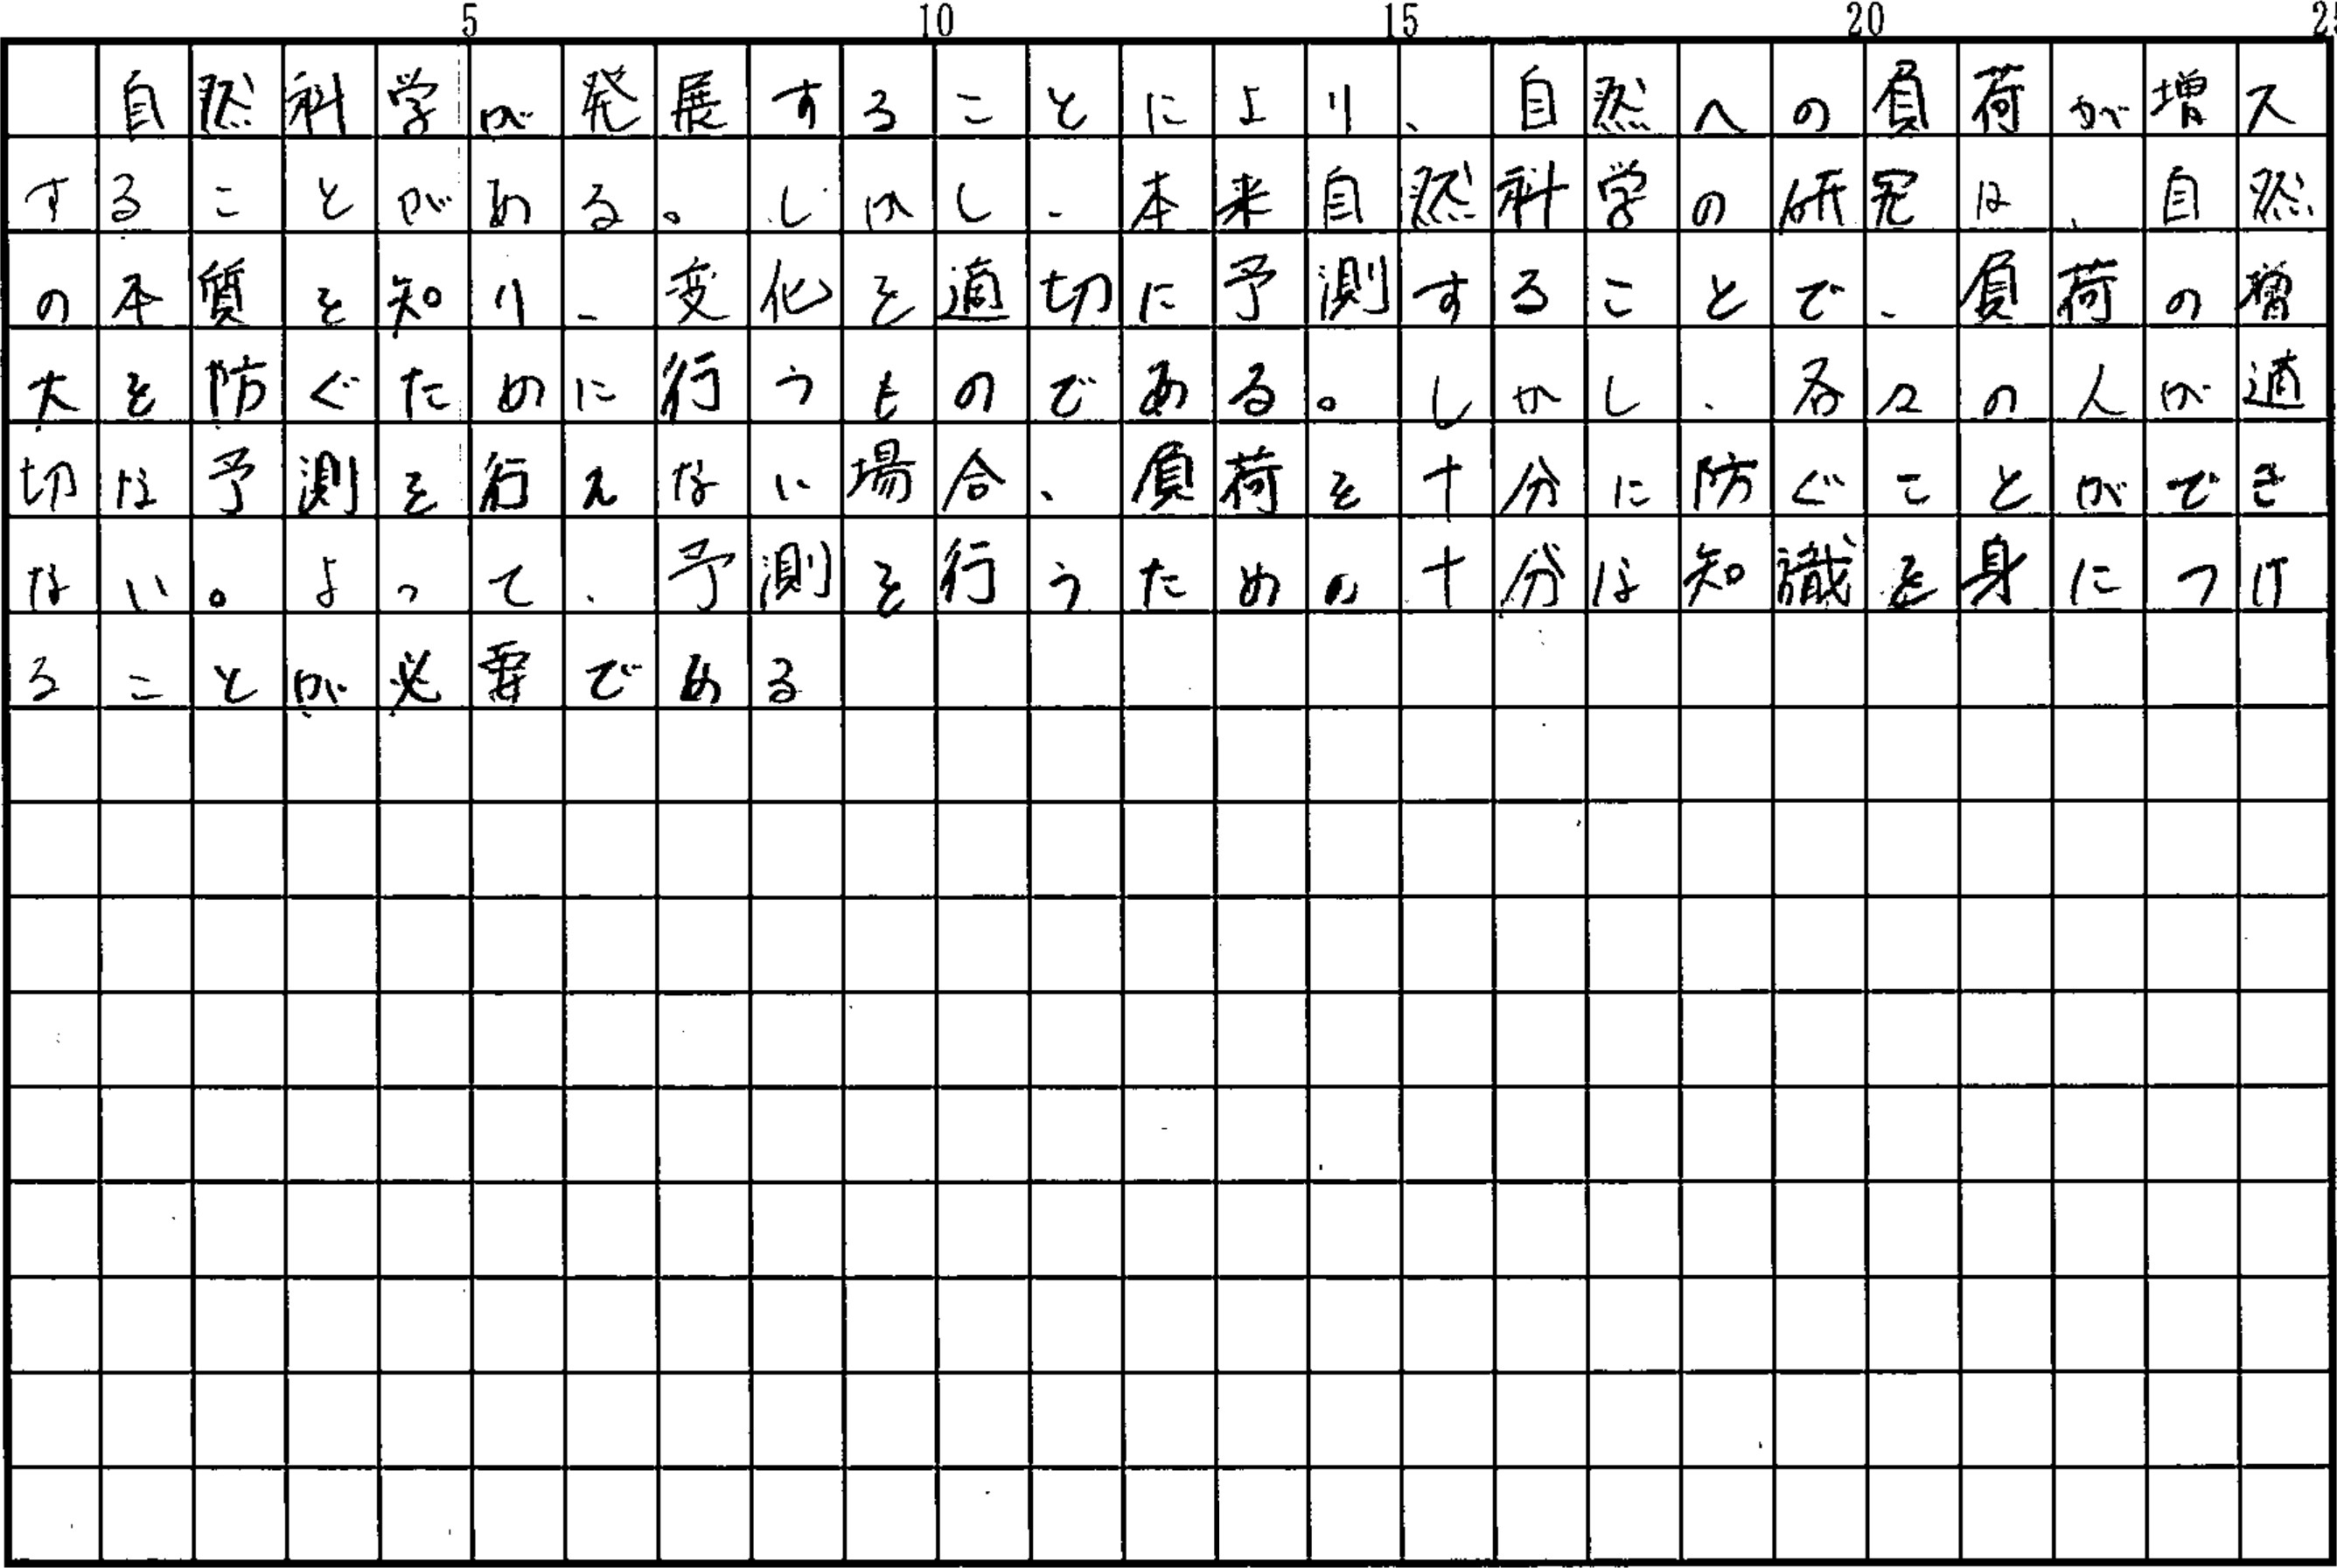　自然科学が発展することにより、自然への負荷が増大することがある。しかし、本来自然科学の研究は、自然の本質を知り、変化を適切に予測することで、負荷の増大を防ぐために行うものである。しかし、各々の人が適切な予測を行えない場合、負荷を十分に防ぐことができない。よって、予測を行うための十分な知識を身につけることが必要である
